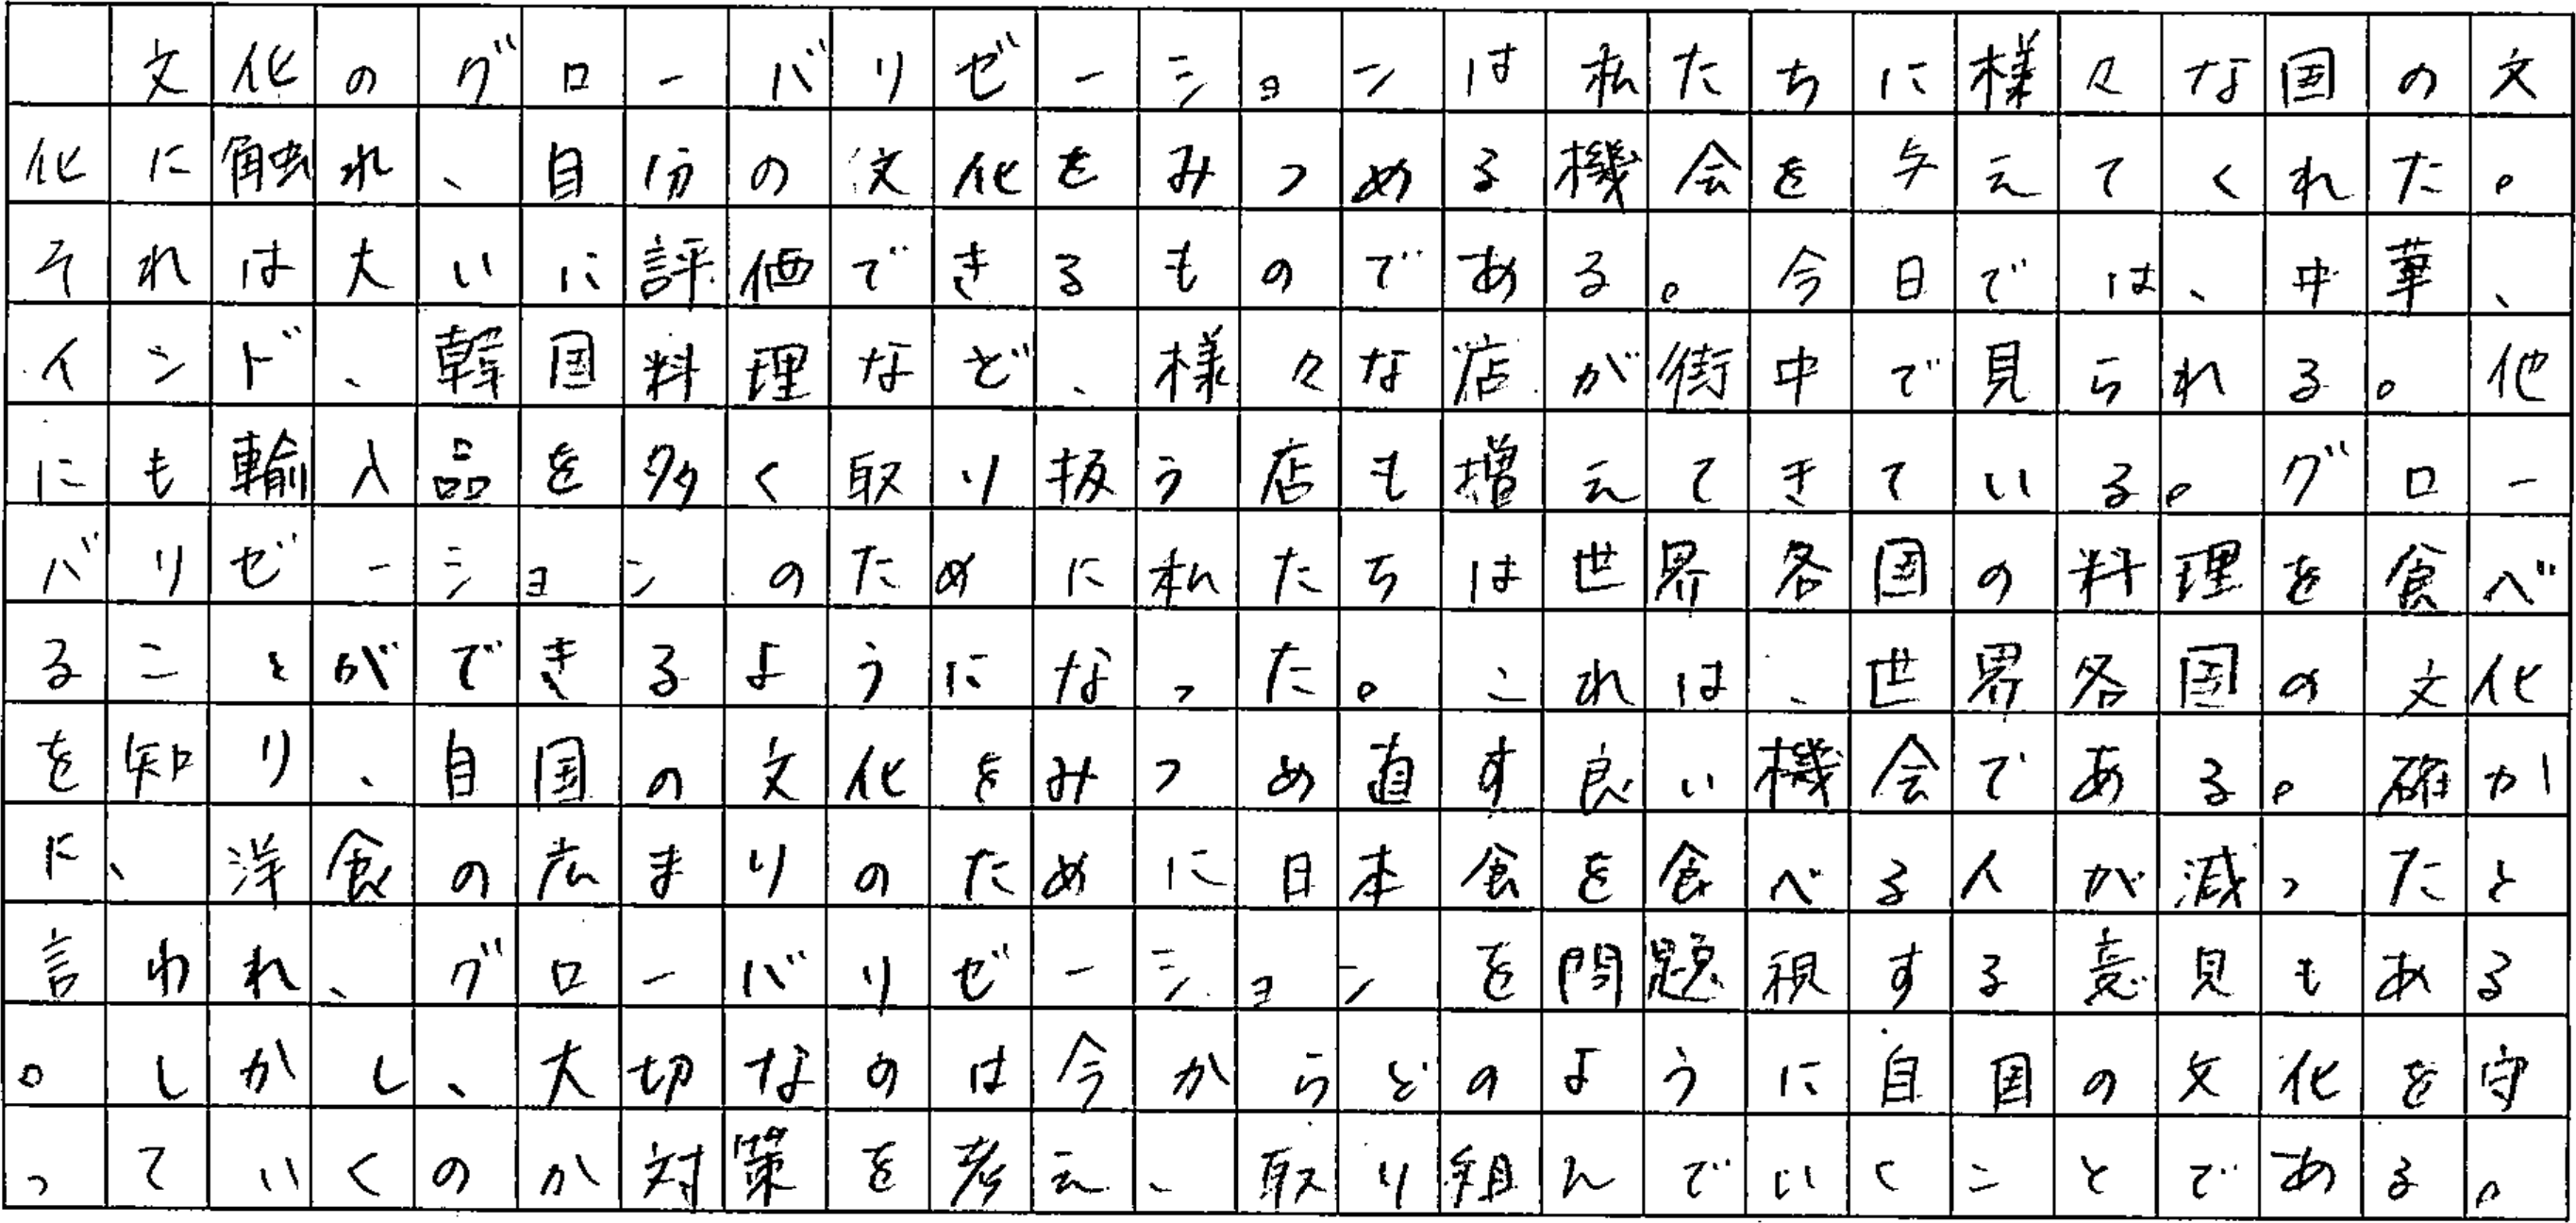　文化のグローバリゼーションは私たちに様々な国の文化に触れ、自分の文化をみつめる機会を与えてくれた。それは大いに評価できるものである。今日では、中華、インド、韓国料理など、様々な店が街中で見られる。他にも輸入品を多く取り扱う店も増えてきている。グローバリゼーションのために私たちは世界各国の料理を食べることができるようになった。これは、世界各国の文化を知り、自国の文化をみつめ直す良い機会である。確かに、洋食の広まりのために日本食を食べる人が減ったと言われ、グローバリゼーションを問題視する意見もある。しかし、大切なのは今からどのように自国の文化を守っていくのか対策を考え、取り組んでいくことである。
